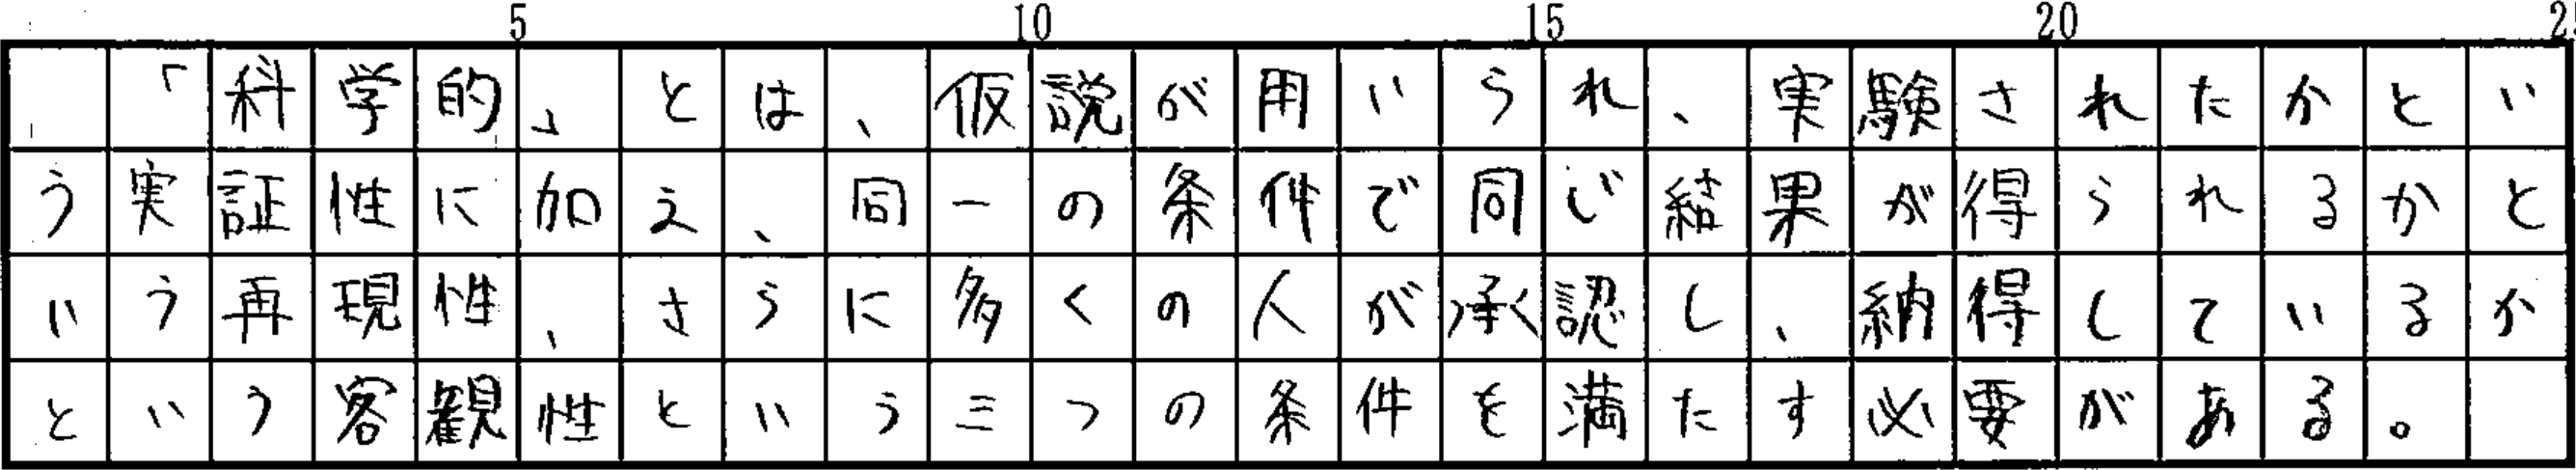　「科学的」とは、仮説が用いられ、実験されたかという実証性に加え、同一の条件で同じ結果が得られるかという再現性、さらに多くの人が承認し、納得しているかという客観性という三つの条件を満たす必要がある。
